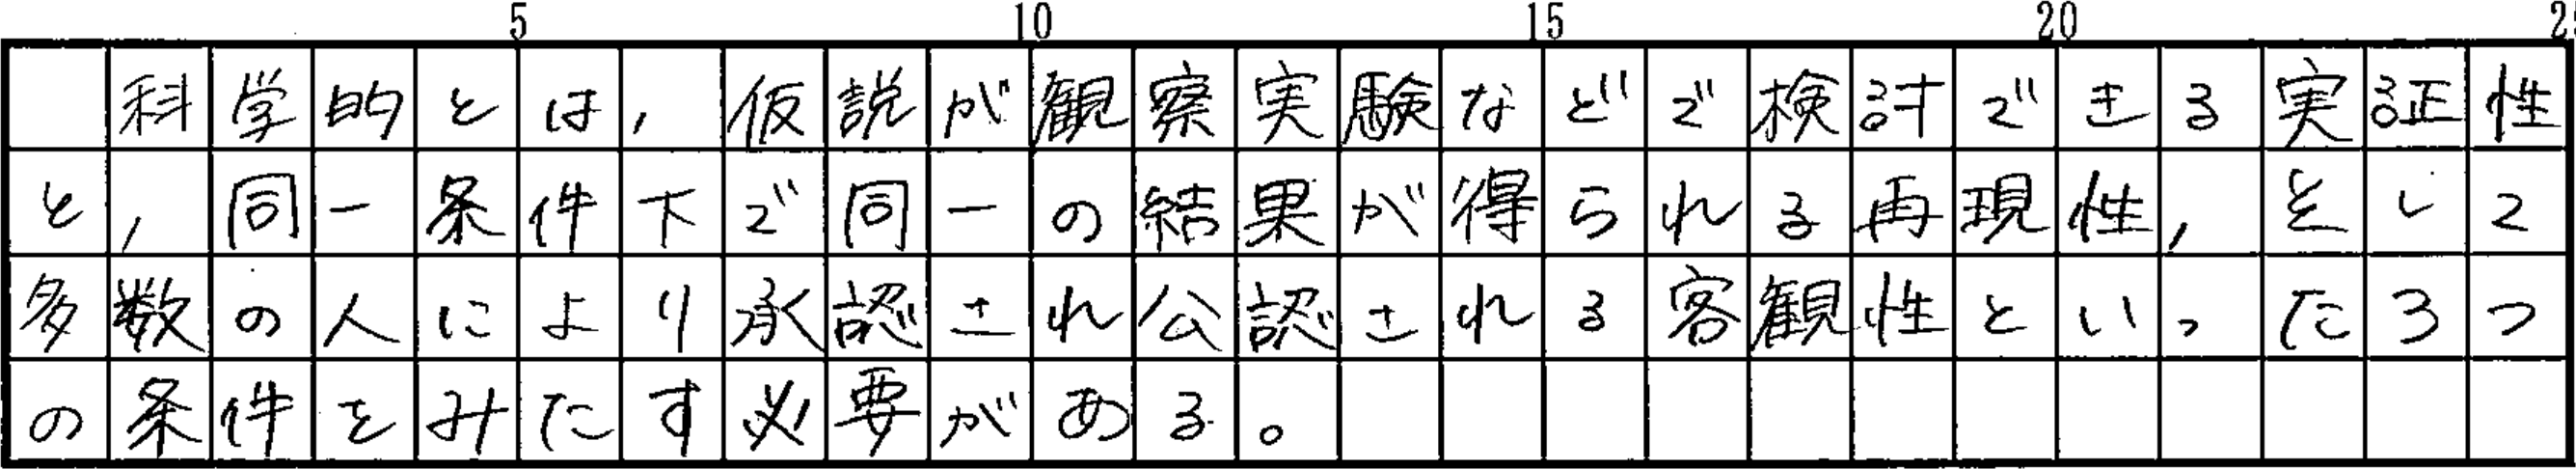　科学的とは、仮説が観察実験などで検討できる実証性と、同一条件下で同一の結果が得られる再現性、そして多数の人により承認され公認される客観性といった３つの条件をみたす必要がある。
